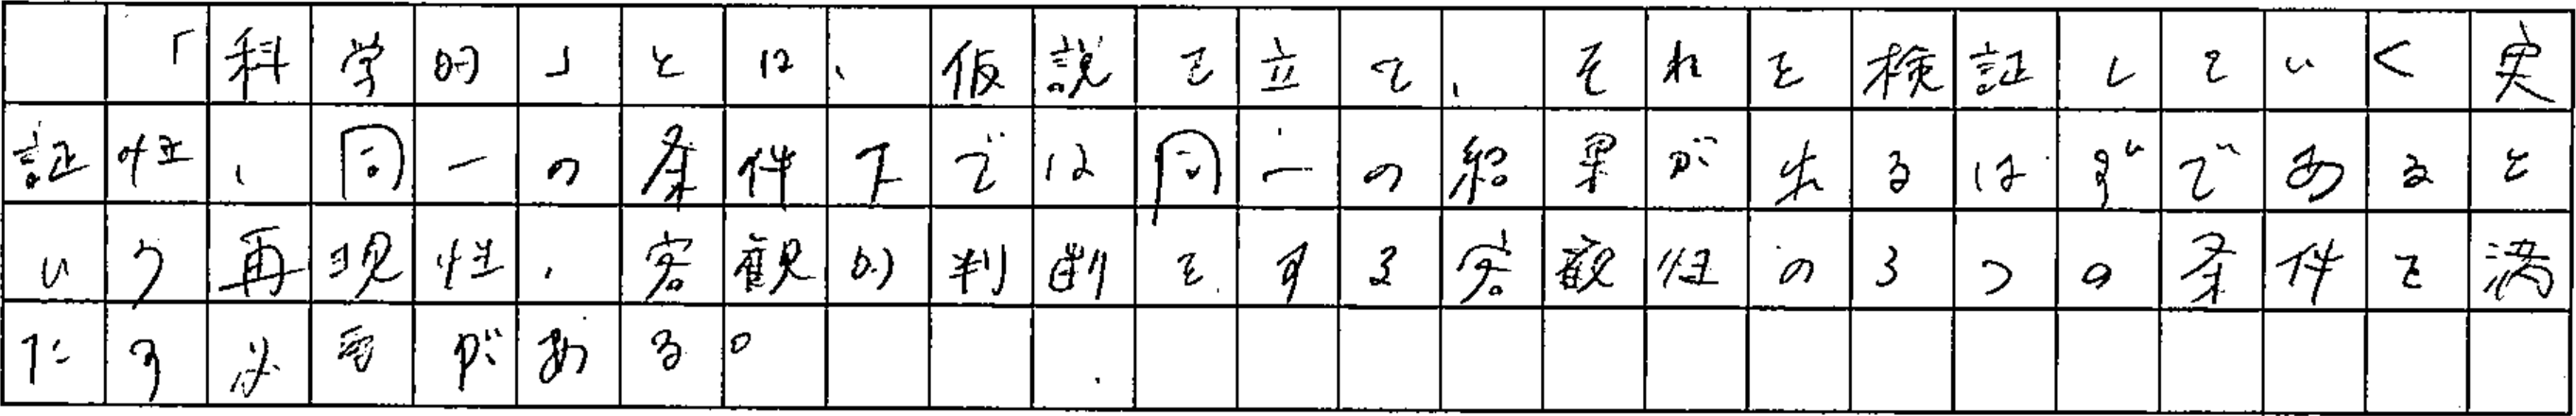　「科学的」とは、仮説を立て、それを検証していく実証性、同一の条件下では同一の結果が出るはずであるという再現性、客観的判断をする客観性の３つの条件を満たす必要がある。
